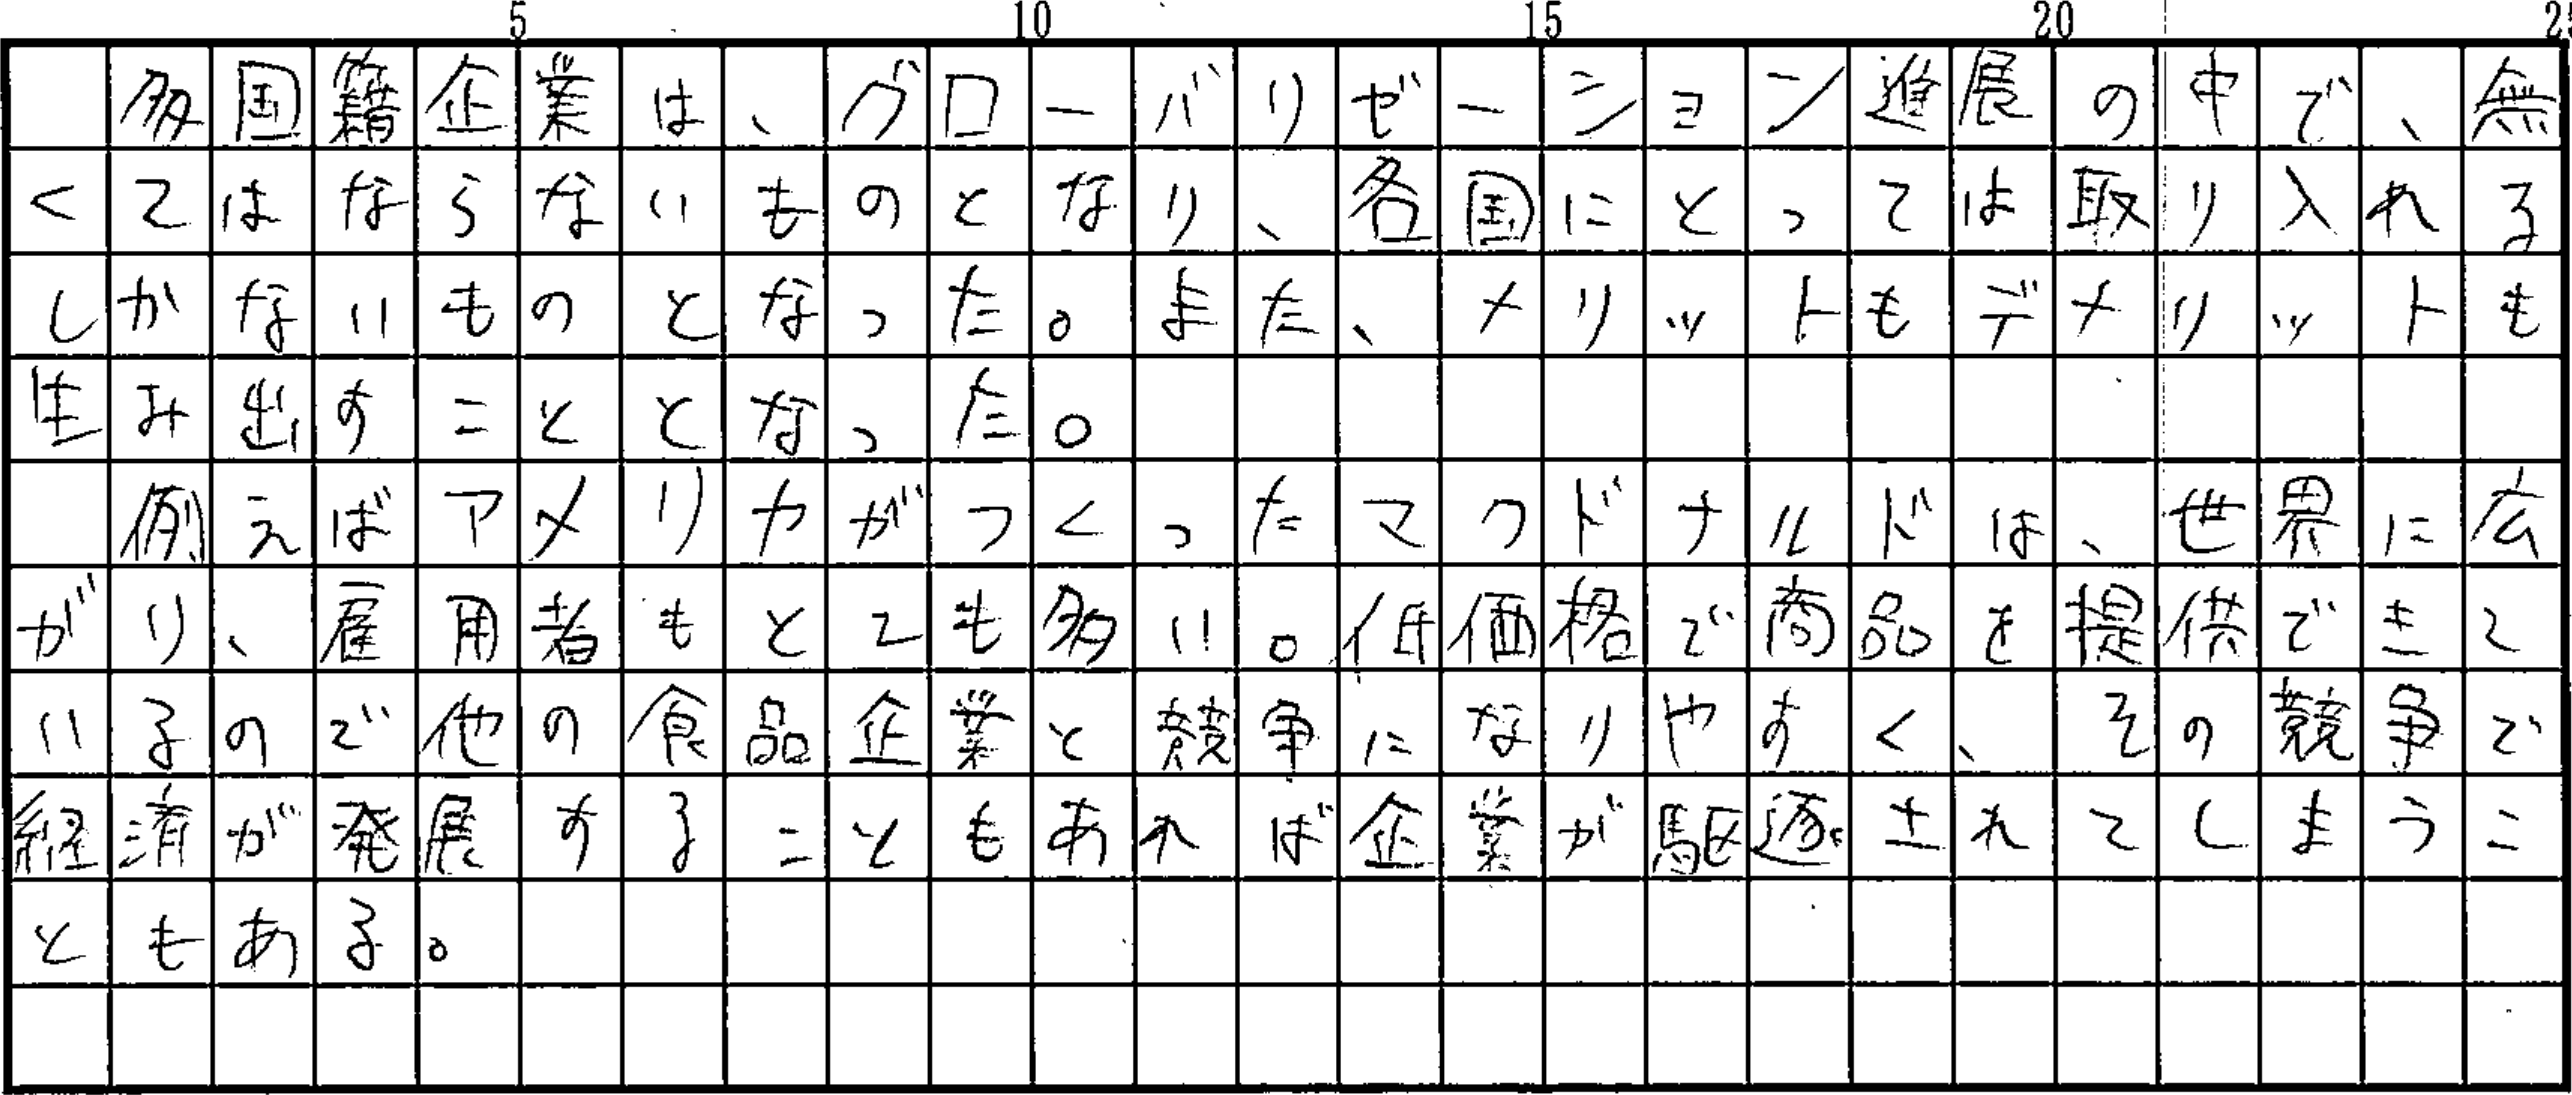　多国籍企業は、グ ローバリゼーション進展の中で、無くてはならないものとなり、各国にとっては取り入れるしかないものとなった。また、メリットもデメリットも生み出すこととなった。
　例えばアメリカが作ったマクドナルドは、世界に広がり、雇用者もとても多い。▁価格で商品を提供できているので他の食品企業と競争になりやすく、その競争で経済が発展することもあれば企業が駆逐されてしまうことある。
